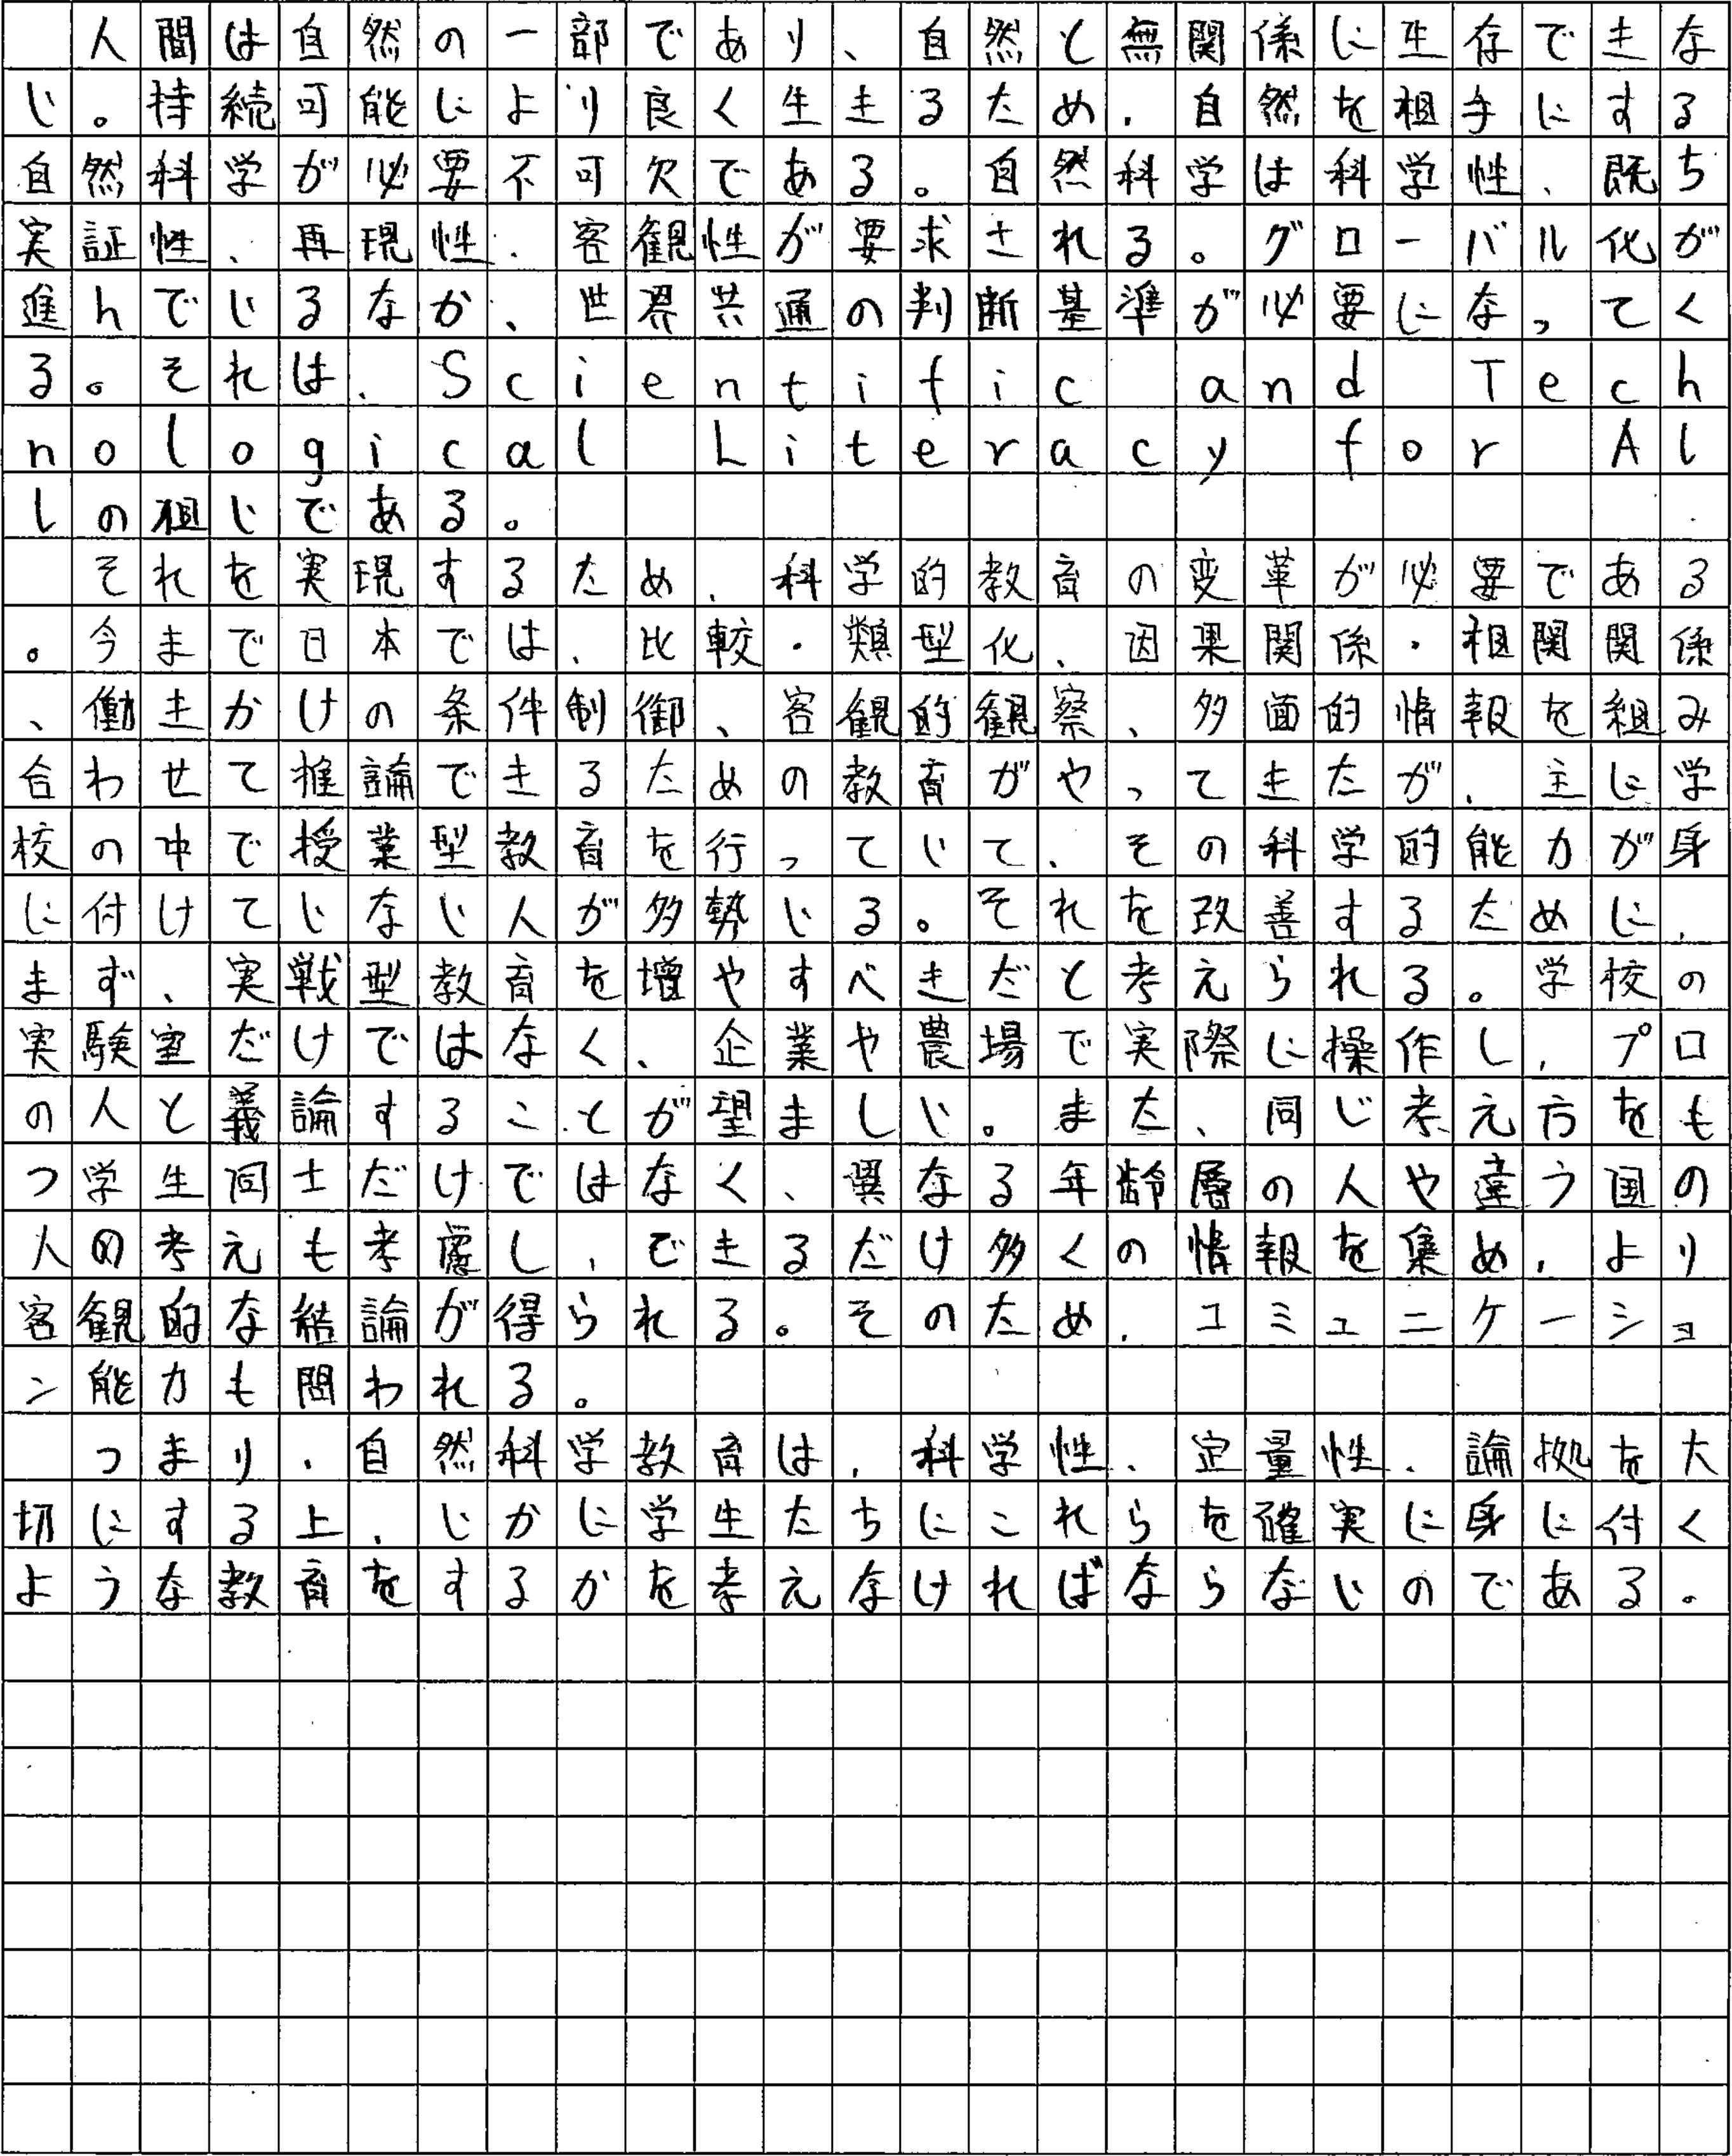　人間は自然の一部であり、自然と無関係に生存できない。持続可能により良く生きるため、自然を相手にする自然科学が必要不可欠である。自然科学は科学性、既ち実証性、再現性、客観性が要求される。グローバル化が進んでいるなか、世界共通の判断基準が必要になってくる。それは、Ｓｃｉｅｎｔｉｆｉｃ　ａｎｄ　Ｔｈｅｃｈｎｏｌｏｇｉｃａｌ　Ｌｉｔｅｒａｃｙ　ｆｏｒ　Ａｌｌの狙いである。
　それを実現するため、科学的教育の変革が必要である。今まで日本では、比較・類型化、因果関係・相関関係、働きかけの条件制御、客観的観察、多面的情報を組み合わせて推論できるための教育がやってきたが、主に学校の中で授業型教育を行っていて、その科学的能力が身に付けていない人が多勢いる。それを改善するために、まず、実戦型教育を増やすべきだと考えられる。学校の実験室だけではなく、企業や農場で実際に操作し、プロの人と義論することが望ましい。また、同じ考え方をもつ学生同士だけではなく、異なる年齢層の人や違う国の人の考えも考慮し、できるだけ多くの情報を集め、より客観的な結論が得られる。そのため、コミュニケーション能力も問われる。
　つまり、自然科学教育は、科学性、定量性、論拠を大切にする上、いかに学生たちにこれらを確実に身に付くような教育をするかを考えなければならないのである。
